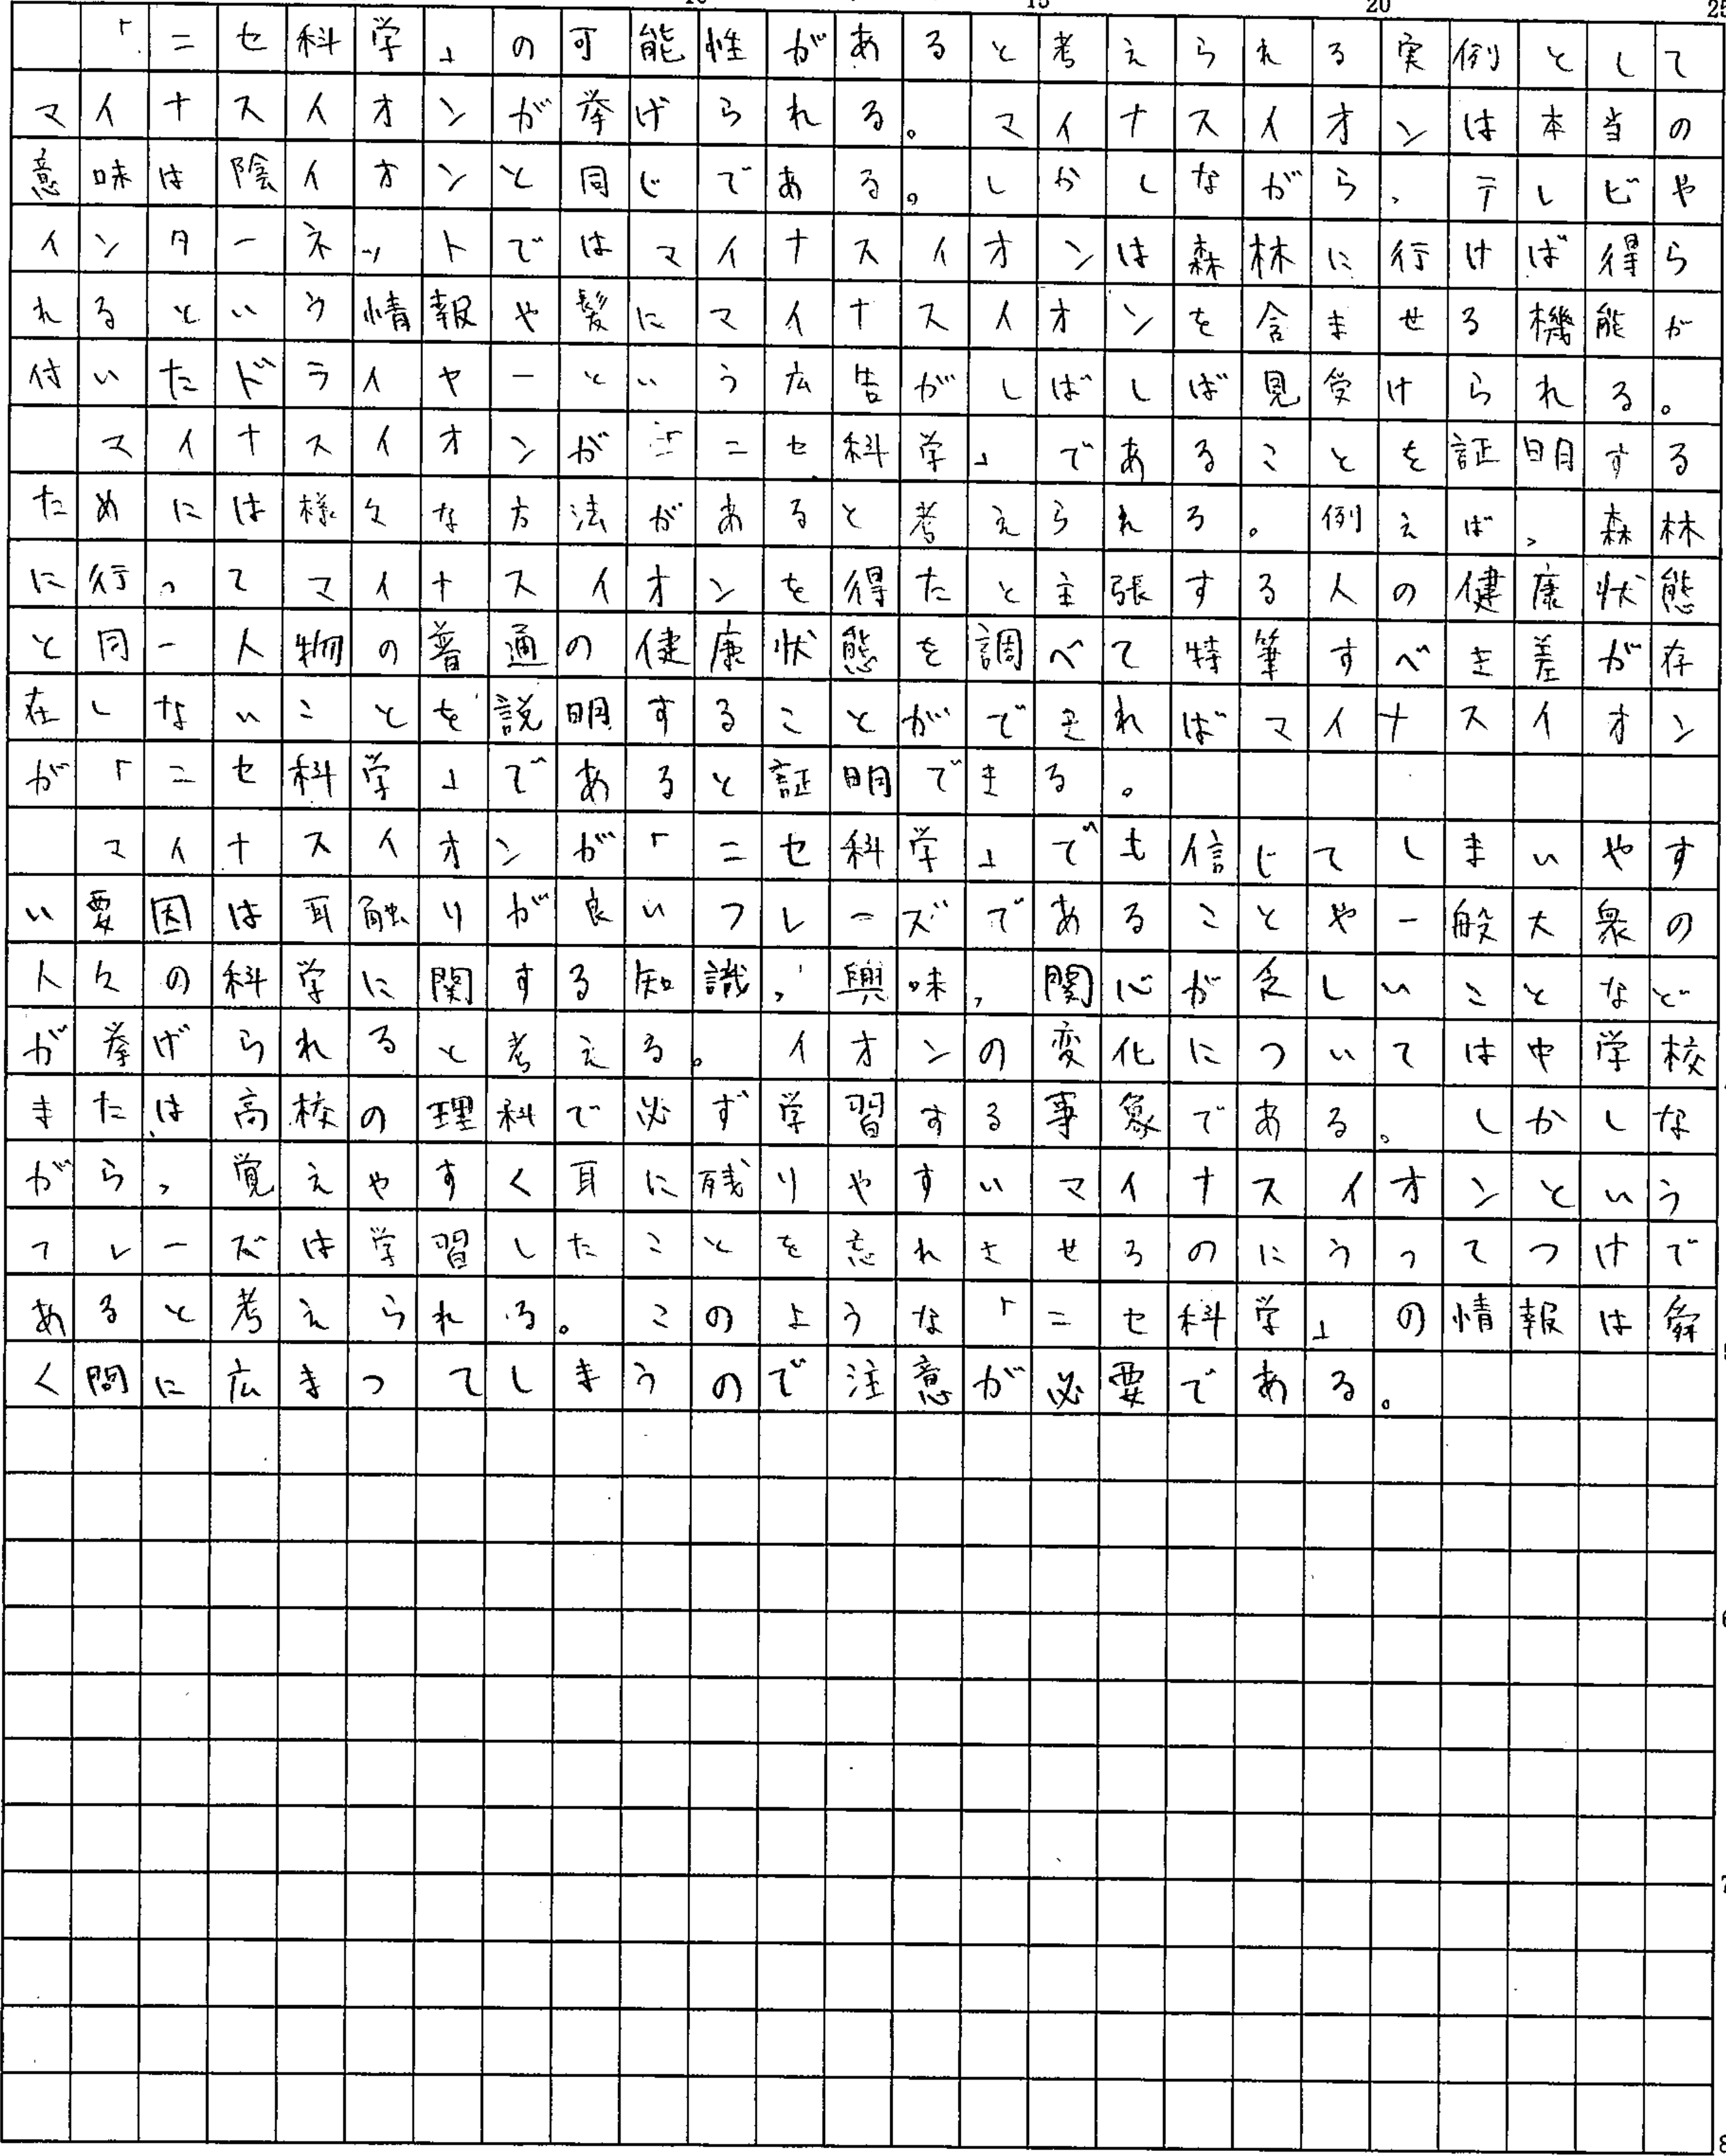　「ニセ科学」の可能性があると考えられる実例としてマイナスイオンが挙げられる。マイナスイオンは本当の意味は陰イオンと同じである。しかしながら、テレビやインターネットではマイナスイオンは森林に行けば得られるという情報や髪にマイナスイオンを含ませる機能が付いたドライヤーという広告がしばしば見受けられる。
　マイナスイオンが「ニセ科学」であることを証明するためには様々な方法があると考えられる。例えば、森林に行ってマイナスイオンを得たと主張する人の健康状態と同一人物の普通の健康状態を調べて特筆すべき差が存在しないことを説明することができればマイナスイオンが「ニセ科学」であると証明できる。
　マイナスイオンが「ニセ科学」でも信じてしまいやすい要因は耳触りが良いフレーズであることや一般大衆の人々の科学に関する知識、興味、関心が乏しいことなどが挙げられると考える。イオンの変化については中学校または高校の理科で必ず学習する事象である。しかしながら、覚えやすく耳に残りやすいマイナスイオンというフレーズは学習したことを忘れさせるのにうってつけであると考えられる。このような「ニセ科学」の情報は舜く間に広まってしまうので注意が必要である。
